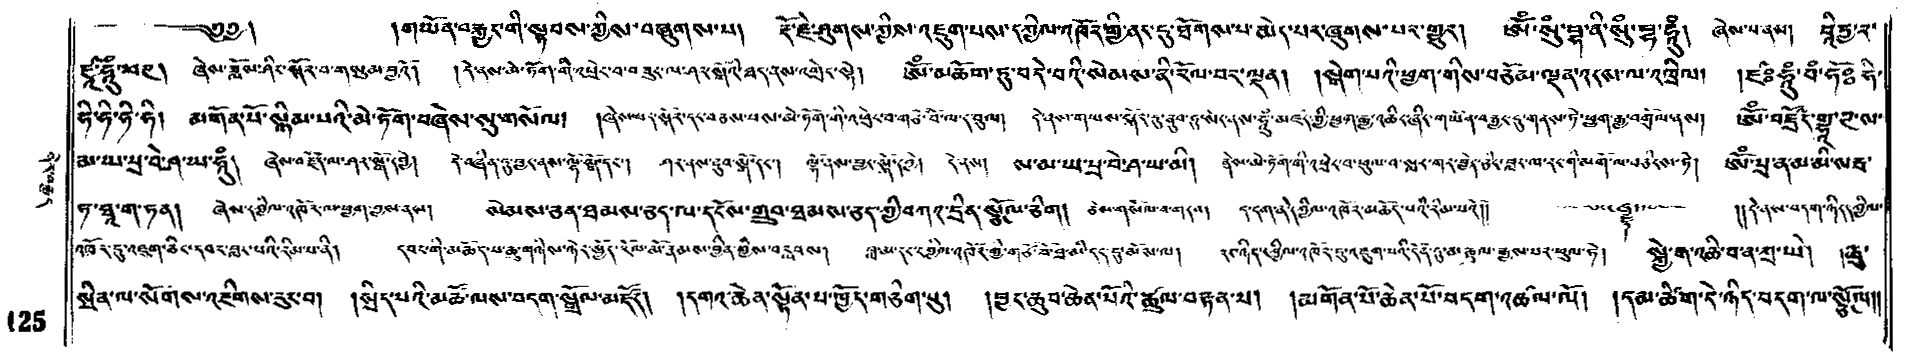༄༅། །གཡོན་བརྐྱང་གི་སྟབས་ཀྱིས་བཞུགས་པ། རྡོ་རྗེ་ཤུགས་ཀྱིས་འཇུག་པས་དཀྱིལ་འཁོར་གྱི་ནང་དུ་ཐོགས་པ་མེད་པར་ཞུགས་པར་གྱུར། ཨོཾ་སུཾ་བྷ་ནི་སུཾ་བྷ་ཧཱུཾ། ཞེས་པ་ནས།  བཱི་ཏྱ་ར་
ཛཱ་ཧཱུཾ་ཕཊ། ཞེས་ཟློས་ཤིང་སྐོར་བ་གསུམ་བྱའོ། །དེ་ནས་མེ་ཏོག་གི་འཕྲེང་བ་བཟུང་ལ་ཤར་སྒོའི་ཐད་ནས་འགྲེང་སྟེ།  ཨོཾ་མཆོག་ཏུ་བདེ་བའི་སེམས་ནི་རོལ་བར་ལྡན། །སྒེག་པའི་ཕྱག་གིས་བཅོམ་ལྡན་འདས་ལ་འཁྲིལ། །ཛཿ ཧཱུཾ་བཾ་ཧོཿ ཧི་
ཧི་ཧི་ཧི་ཧི། མགོན་པོ་སྙིམ་པའི་མེ་ཏོག་བཞེས་སུ་གསོལ། །ཞེས་པར་སྐོར་དང་བཅས་པས་མེ་ཏོག་གི་འཕྲེང་བ་གཙོ་བོ་ལ་དབུལ། དེ་ནས་གཡས་སྐོར་དུ་ནུབ་ཏུ་སོང་ནས་ཧཱུཾ་མཛད་ཀྱི་ཕྱག་རྒྱ་འཆིང་ཞིང་གཡོན་བརྐྱང་དུ་གནས་ཏེ་ཕྱག་རྒྱ་བགྲོལ་ནས།  ཨོཾ་བཛྲོད་གྷཱ་ཊ་ས་
མ་ཡ་པྲ་བེ་ཤ་ཡ་ཧཱུཾ། ཞེས་བརྗོད་ལ་ཤར་སྒོ་དབྱེ། དེ་བཞིན་དུ་བྱང་ནས་ལྷོ་སྒོ་དང་། ཤར་ནས་ནུབ་སྒོ་དང་། ལྷོ་ནས་བྱང་སྒོ་དབྱེ། དེ་ནས།  ས་མ་ཡ་པྲ་བེ་ཤ་ཡ་མི། ཞེས་མེ་ཏོག་གི་འཕྲེང་བ་ཕུལ་བ་སླར་གར་བྱེད་ཅིང་བླང་ལ་རང་གི་མགོ་ལ་བཅིངས་ཏེ།  ཨོཾ་པྲ་ན་མ་མི་སརྦ་
ཏ་ཐཱ་ག་ཏན། ཞེས་དཀྱིལ་འཁོར་ལ་ཕྱག་བྱས་ནས།  སེམས་ཅན་ཐམས་ཅད་ལ་དངོས་གྲུབ་ཐམས་ཅད་ཀྱི་བཀའ་དྲིན་སྩོལ་ཅིག། ཅེས་གསོལ་བ་གདབ། ད་དག་ནི་དཀྱིལ་འཁོར་མཆོད་པའི་རིམ་པའོ།། ༈ །།དེ་ནས་བདག་ཉིད་དཀྱིལ་
འཁོར་དུ་འཇུག་ཅིང་དབང་བླང་པའི་རིམ་པ་ནི། དབང་གི་མཆོད་པ་ཆུ་གཉིས་ཉེར་ཤྱོད་རོལ་མོ་རྣམས་བྱིན་གྱིས་བརླབས། བླ་མ་དང་དཀྱིལ་འཁོར་གྱི་གཙོ་བོ་བྲ་མི་དད་དུ་མོས་ལ། རང་ཉིད་དཀྱིལ་འཁོར་དུ་འཇུག་པའི་དོན་དུ་མཎྜལ་རྒྱས་པར་ཕུལ་ཏེ། སྐྱེ་རྒ་འཆི་བ་ན་ཀྲ་ཡེ། །ཆུ་
སྲིན་ལ་སོགས་འཇིགས་རུང་བ། །སྲིད་པའི་མཚོ་ལས་བདག་སྒྲོལ་མཛོད། །དགའ་ཆེན་སྟོན་པ་ཁྱོད་གཅིག་པུ། །བྱང་ཆུབ་ཆེན་པོའི་ཚུལ་བརྟན་པ། །མགོན་པོ་ཆེན་པོ་བདག་འཚལ་ལོ། །དམ་ཚིག་དེ་ཉིད་བདག་ལ་སྩོལ།།